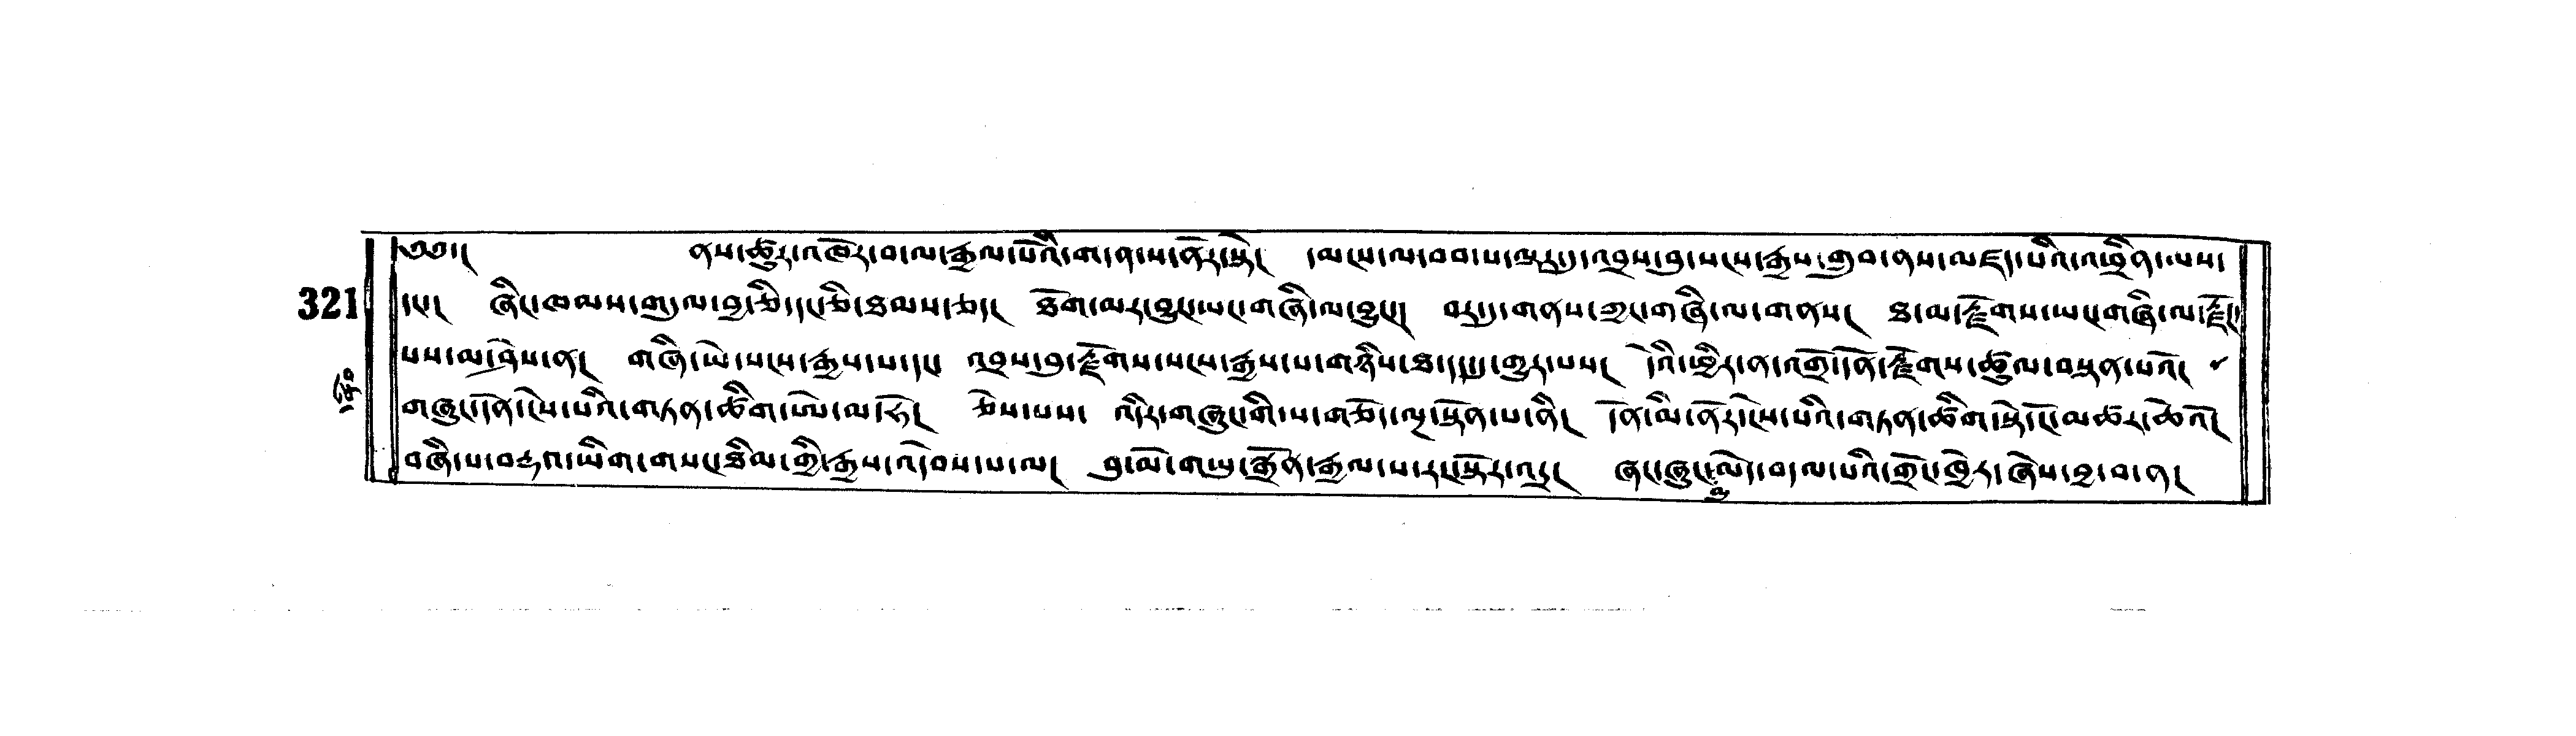ནས་ཚུར་འཁོར་བ་ལ་རྒྱལ་པོའི་གདན་ས་ནོར་སྟེ། དམངས་ལ་བབས་པ་ལྟར་དུ་འབྲས་བུ་སངས་རྒྱས་གྲུབ་ནས་མཛད་པའི་འཕྲིན་ལས་
དང་། ཞིང་ཁམས་གདུལ་བྱ་ཅི་དང་ཅི་ཐམས་ཅད། ཐོག་མར་བྱུང་ཡང་གཞི་ལས་བྱུང་། བར་དུ་གནས་ཀྱང་གཞི་ལ་གནས། ཐ་མ་རྫོགས་ཡང་གཞི་ལ་རྫོགས་
པ་མ་ཤེས་ནས། གཞི་ཡེ་སངས་རྒྱས་པ་དང་འབྲས་བུ་རྫོགས་སངས་རྒྱས་པ་གཉིས་ཐ་དད་དུ་གྱུར་པས། དེའི་ཕྱིར་ན་འགྲོ་དོན་རྫོགས་ཚུལ་བསྟན་པའོ། ༧ 
གཞུང་དོན་ངེས་པའི་གཏན་ཚིགས་ཨེ་མ་ཧོ། ཅེས་པས། འདིར་གཞུང་གི་ས་གཅོད་ལྔ་སྟོན་པ་ནི། དོན་མི་ནོར་ངེས་པའི་གཏན་ཚིགས་སྟེ་ངོ་མཚར་ཆེའོ། 
བཞི་པ་བརྡ་ཡིག་གསང་ཐེམ་གྱི་རྒྱས་འདེབས་པ་ལ། བུ་མོ་གཡུ་སྒྲོན་རྒྱལ་ས་རང་སྟོར་འདྲ། ཅེས་པས། ཞང་ཞུང་མུ་མེད་བདལ་པའི་གྲོང་ཁྱེར་ཞེས་བྱ་བ་ན།